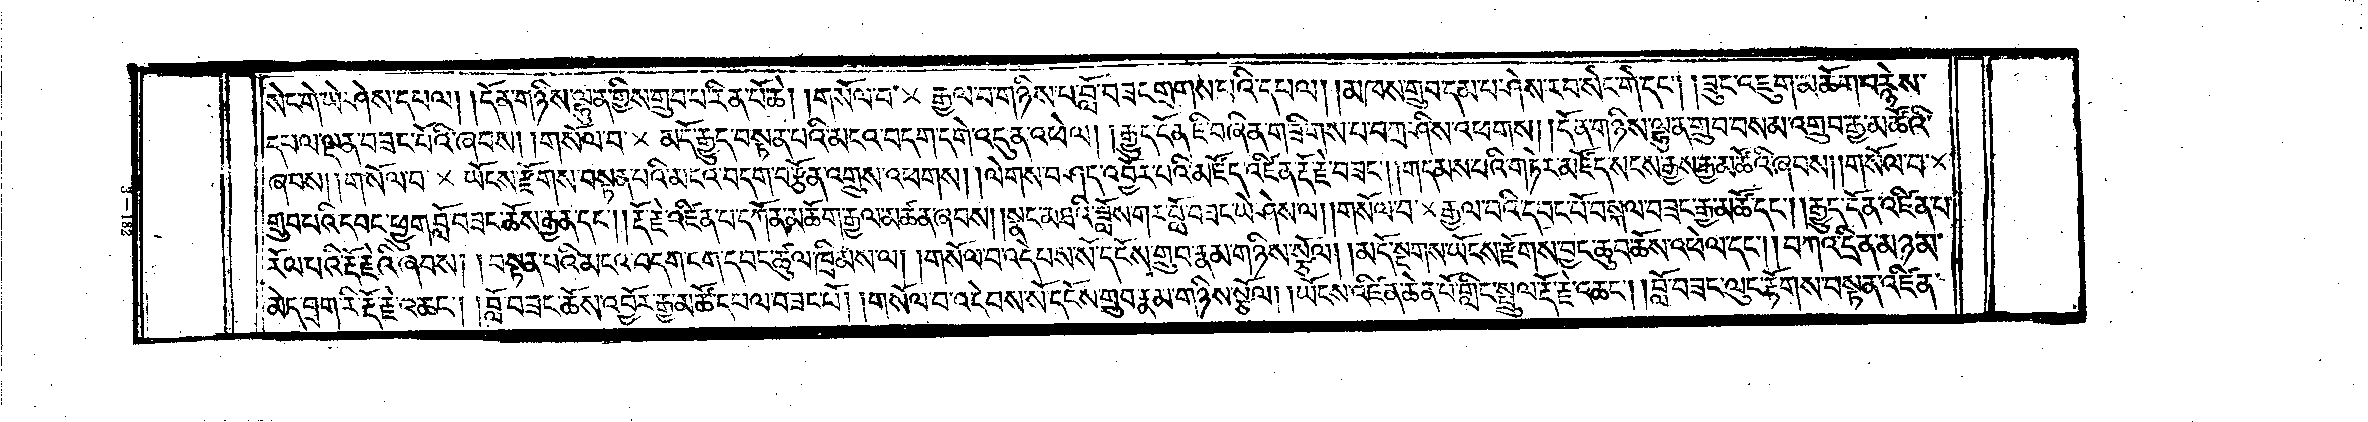སེང་གེ་ཡེ་ཤེས་དཔལ། །དོན་གཉིས་ལྷུན་གྱིས་གྲུབ་པ་རིན་པོ་ཆེ། །གསོལ་བ་྾་རྒྱལ་བ་གཉིས་པ་བློ་བཟང་གྲགས་པའི་དཔལ། །མཁས་གྲུབ་དམ་པ་ཤེས་རབ་སེང་གེ་དང་། །ཟུང་འཇུག་མཆོག་བརྙེས་
དཔལ་ལྡན་བཟང་པོའི་ཞབས། །གསོལ་བ་྾་མདོ་རྒྱུད་བསྟན་པའི་མངའ་བདག་དགེ་འདུན་འཕེལ། །རྒྱུད་དོན་ཇི་བཞིན་གཟིགས་པ་བཀྲ་ཤིས་འཕགས། །དོན་གཉིས་ལྷུན་གྲུབ་བསམ་འགྲུབ་རྒྱ་མཚོའི་
ཞབས། །གསོལ་བ་྾་ཡོངས་རྫོགས་བསྟན་པའི་མངའ་བདག་བརྩོན་འགྲུས་འཕགས། །ལེགས་བཤད་འབྱོར་པའི་མཛོད་འཛིན་རྡོ་རྗེ་བཟང་། །གདམས་པའི་གཏེར་མཛོད་སངས་རྒྱས་རྒྱ་མཚོའི་ཞབས། །གསོལ་བ་྾་
གྲུབ་པའི་དབང་ཕྱུག་བློ་བཟང་ཆོས་རྒྱན་དང་། །རྡོ་རྗེ་འཛིན་པ་དཀོན་མཆོག་རྒྱལ་མཚན་ཞབས། །སྣང་མཐའི་ཟློས་གར་བློ་བཟང་ཡེ་ཤེས་ལ། །གསོལ་བ་྾་རྒྱལ་བའི་དབང་པོ་བསྐལ་བཟང་རྒྱ་མཚོ་དང་། །རྒྱུད་དོན་འཛིན་པ་
རོལ་པའི་རྡོ་རྗེའི་ཞབས། །བསྟན་པའི་མངའ་བདག་ངག་དབང་ཚུལ་ཁྲིམས་ལ། །གསོལ་བ་འདེབས་སོ་དངོས་གྲུབ་རྣམ་གཉིས་སྩོལ། །མདོ་སྔགས་ཡོངས་རྫོགས་བྱང་ཆུབ་ཆོས་འཕེལ་དང་། །བཀའ་དྲིན་མཉམ་
མེད་བྲག་རི་རྡོ་རྗེ་འཆང་། །བློ་བཟང་ཆོས་འབྱོར་རྒྱ་མཚོ་དཔལ་བཟང་པོ། །གསོལ་བ་འདེབས་སོ་དངོས་གྲུབ་རྣམ་གཉིས་སྩོལ། །ཡོངས་འཛིན་ཆེན་པོ་གླིང་སྤྲུལ་རྡོ་རྗེ་འཆང་། །བློ་བཟང་ལུང་རྟོགས་བསྟན་འཛིན་